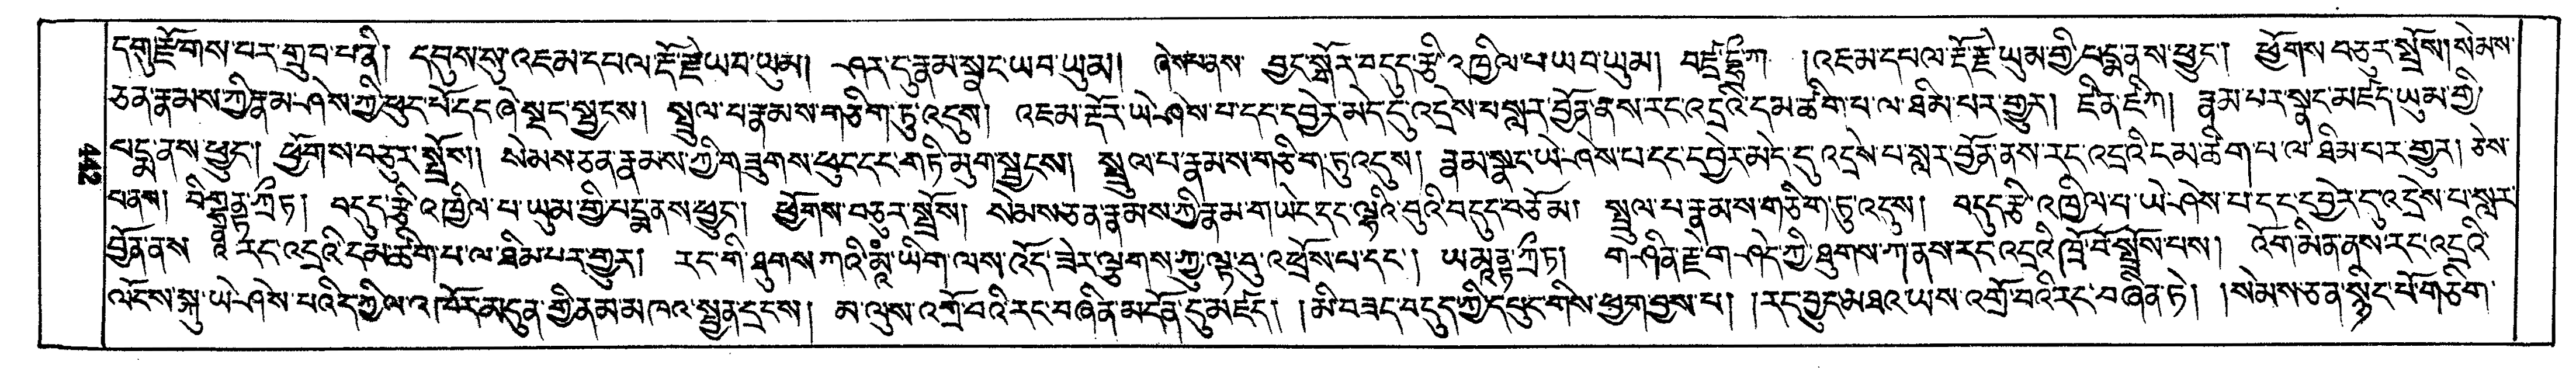དགུ་རྫོགས་པར་གྲུབ་པ་ནི། དབུས་སུ་འཇམ་དཔལ་རྡོ་རྗེ་ཡབ་ཡུམ། ཤར་དུ་རྣམ་སྣང་ཡབ་ཡུམ། ཞེས་པ་ནས། བྱང་སྒོར་བདུད་རྩི་འཁྱིལ་པ་ཡབ་ཡུམ། བཛྲ་དྷྲྀཀ །འཇམ་དཔལ་རྡོ་རྗེ་ཡུམ་གྱི་པདམ་ནས་ཕྱུང་། ཕྱོགས་བཅུར་སྤྲོས། སེམས་
ཅན་རྣམས་ཀྱི་རྣམ་ཤེས་ཀྱི་ཕུང་པོ་དང་ཞེ་སྡང་སྦྱངས། སྤྲུལ་པ་རྣམས་གཅིག་ཏུ་འདུས། འཇམ་རྡོར་ཡེ་ཤེས་པ་དང་དབྱེར་མེད་དུ་འདྲེས་པ་སླར་བྱོན་ནས་རང་འདྲའི་དམ་ཚིག་པ་ལ་ཐིམ་པར་གྱུར། ཛི་ན་ཛི་ཀ། རྣམ་པར་སྣང་མཛད་ཡུམ་གྱི་
པདམ་ནས་ཕྱུང་། ཕྱོགས་བཅུར་སྤྲོས། སེམས་ཅན་རྣམས་ཀྱི་གཟུགས་ཕུང་དང་གཏི་མུག་སྦྱངས། སྤྲུལ་པ་རྣམས་གཅིག་ཏུ་འདུས། རྣམ་སྣང་ཡེ་ཤེས་པ་དང་དབྱེར་མེད་དུ་འདྲེས་པ་སླར་བྱོན་ནས་རང་འདྲའི་དམ་ཚིག་པ་ལ་ཐིམ་པར་གྱུར། ཅེས་
པ་ནས། བིགྷྣཱནྟ་ཀྲྀཏ། བདུད་རྩི་འཁྱིལ་པ་ཡུམ་གྱི་པདམ་ནས་ཕྱུང་། ཕྱོགས་བཅུར་སྤྲོས། སེམས་ཅན་རྣམས་ཀྱི་རྣམ་གཡེང་དང་ལྷའི་བུའི་བདུད་བཅོམ། སྤྲུལ་པ་རྣམས་གཅིག་ཏུ་འདུས། བདུད་རྩི་འཁྱིལ་པ་ཡེ་ཤེས་པ་དང་དབྱེར་དུ་འདྲེས་པ་སླར་
བྱོན་ནས་རང་འདྲའི་དམ་ཚིག་པ་ལ་ཐིམ་པར་གྱུར། རང་གི་ཐུགས་ཀའི་མཱཾ་ཡིག་ལས་འོད་ཟེར་ལྕགས་ཀྱུ་ལྟ་བུ་འཕྲོས་པ་དང་། ཡ་མཱནྟ་ཀྲྀཏ་ཛཿ གཤིན་རྗེ་གཤེད་ཀྱི་ཐུགས་ཀ་ནས་རང་འདྲའི་ཁྲོ་བོ་སྤྲོས་པས། འོག་མིན་ནས་རང་འདྲའི་
ལོངས་སྐུ་ཡེ་ཤེས་པའི་དཀྱིལ་འཁོར་མདུན་གྱི་ནམ་མཁར་སྤྱན་དྲངས། མ་ལུས་འགྲོ་བའི་རང་བཞིན་མངོན་དུ་མཛད། །མི་བཟད་བདུད་ཀྱི་དཔུང་གིས་ཕྱག་བྱས་པ། །རང་བྱུང་མཐའ་ཡས་འགྲོ་བའི་རང་བཞིན་ཏེ། །སེམས་ཅན་སྙིང་པོ་གཅིག་